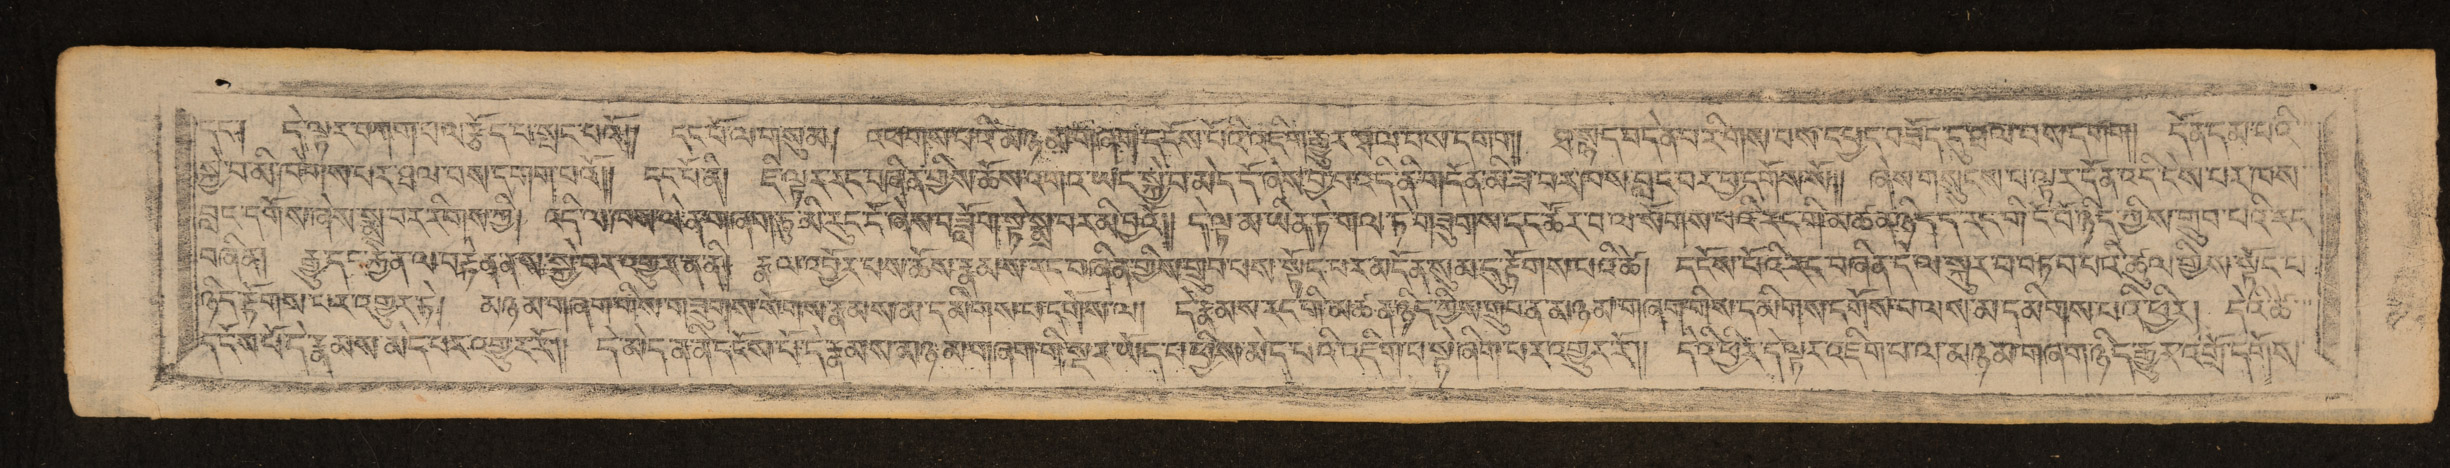དང༑ དེ་ལྟར་བཀག་པ་ལ་རྩོད་པ་སྤང་པའོ།། དང་པོ་ལ་གསུམ། འཕགས་པའི་མཉམ་གཞག་དངོས་པོའི་འཇིག་རྒྱུར་ཐལ་བས་དགག། ཐ་སྙད་བདེན་པ་རིགས་པས་དཔྱད་བཟོད་དུ་ཐལ་བས་དགག། དོན་དམ་པའི་
སྐྱེ་བ་མི་ཁེགས་པར་ཐལ་བས་དགག་པའོ།། དང་པོ་ནི། ཇི་ལྟར་རང་བཞིན་གྱིས་ཆོས་འགའ་ཡང་སྐྱེ་བ་མེད་དོ་ཞེས་བྱ་བ་འདི་ནི་གདོན་མི་ཟ་བར་ཁས་བླང་བར་བྱ་དགོས་སོ།། ཞེས་གསུངས་པ་ལྟར་དོན་འདི་ངེས་པར་ཁས་
བླང་དགོས་ཞེས་སྨྲ་བར་རིགས་ཀྱི། འདི་ལ་ཁས་ལེན་གཞག་ཏུ་མི་རུང་ངོ་ཞེས་བཟློག་སྟེ་སྨྲ་བར་མི་བྱའོ།། དེ་ལྟ་མ་ཡིན་ཏེ་གལ་ཏེ་གཟུགས་དང་ཚོར་བ་ལ་སོགས་པའི་རང་གི་མཚན་ཉིད་དེ་རང་གི་ངོ་བོ་ཉིད་ཀྱིས་གྲུབ་པའི་རང་
བཞིན། རྒྱུ་དང་རྐྱེན་ལ་བརྟེན་ནས་སྐྱེ་བར་འགྱུར་ན་ནི། རྣལ་འབྱོར་པས་ཆོས་རྣམས་རང་བཞིན་གྱིས་གྲུབ་པས་སྟོང་པར་མངོན་སུམ་དུ་རྟོགས་པའི་ཚེ། དངོས་པོའི་རང་བཞིན་དེ་ལ་སྐུར་བ་བཏབ་པའི་ཚུལ་གྱིས་སྟོང་པ་
ཉིད་རྟོགས་པར་འགྱུར་ཏེ། མཉམ་གཞག་གིས་གཟུགས་སོགས་རྣམས་མ་དམིགས་པ་དགོས་ལ། དེ་རྣམས་རང་གི་མཚན་ཉིད་ཀྱིས་གྲུབ་ན་མཉམ་གཞག་གིས་དམིགས་དགོས་པ་ལས་མ་དམིགས་པའི་ཕྱིར། དེའི་ཚེ་
དངོས་པོ་དེ་རྣམས་མེད་པར་འགྱུར་རོ།། དེ་མེད་ན་ནི་དངོས་པོ་དེ་རྣམས་མཉམ་གཞག་གི་སྔར་ཡོད་པ་ཕྱིས་མེད་པའི་འཇིག་པ་སྟེ་ཞིག་པར་འགྱུར་རོ།། དེའི་ཕྱིར་དེ་ལྟར་འཇིག་པ་ལ་མཉམ་གཞག་ཉིད་རྒྱུར་འགྲོ་དགོས་